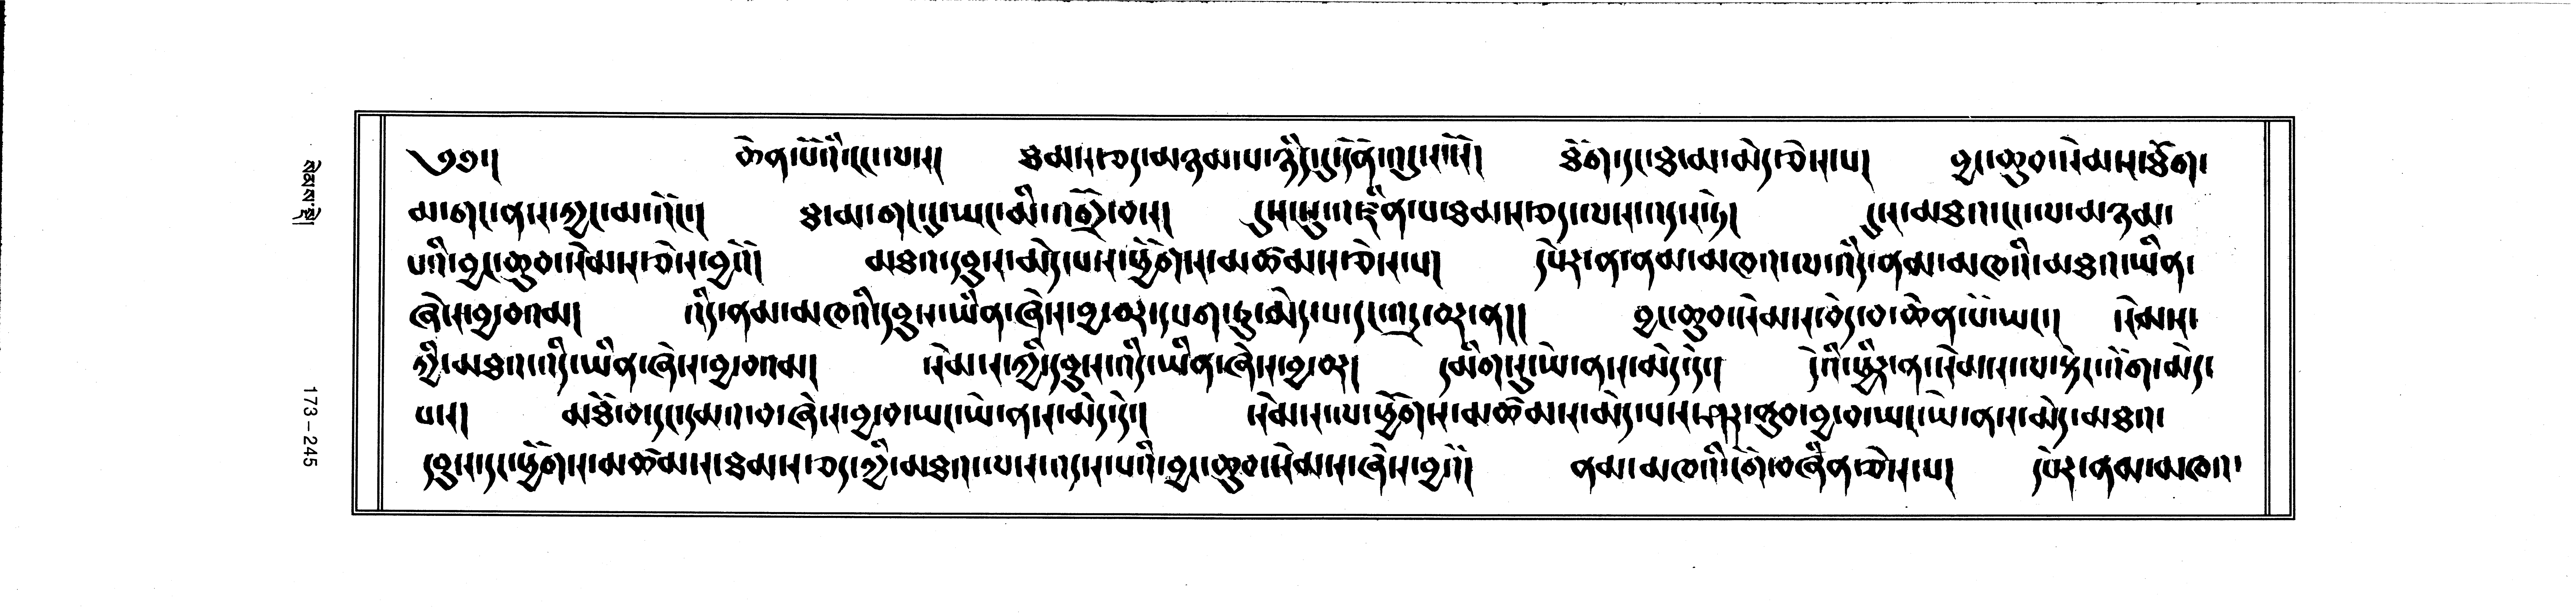ཆེན་པོའི་ངང་ལས། ཐམས་ཅད་མཉམ་པ་ཉིད་དུ་དོན་འདུས་སོ། །ཐོག་མ་དང་ཐ་མ་མེད་ཅེས་པ། བྱང་ཆུབ་སེམས་ཐོག་
མ་གང་ནས་ཀྱང་མ་འོང་། ཐ་མ་གང་དུའང་མི་འགྲོ་བས། དུས་སུ་འཛིན་པ་ཐམས་ཅད་ལས་འདས་ཏེ། དུས་མཐའ་ངང་ལ་མཉམ་
པའི་བྱང་ཆུབ་སེམས་ཅེས་བྱའོ། །མཐའ་དབུས་མེད་པས་ཕྱོགས་མཚམས་ཞེས་པ། དཔེར་ན་ནམ་མཁའ་ལ་འདི་ནམ་མཁའི་མཐའ་ཡིན་
ཞེས་བྱ་བའམ། འདི་ནམ་མཁའི་དབུས་ཡིན་ཞེས་བྱ་བར་དཔག་ཏུ་མེད་པ་དང་འདྲ་བར་ན། བྱང་ཆུབ་སེམས་བདེ་བ་ཆེན་པོ་ཡང་། སེམས་
ཀྱི་མཐའ་འདི་ཡིན་ཞེས་བྱ་བའམ། སེམས་ཀྱི་དབུས་འདི་ཡིན་ཞེས་བྱ་བར་དམིགས་སུ་ཡེ་ནས་མེད་དེ། དེའི་ཕྱིར་ན་སེམས་ལ་སྟེང་འོག་མེད་
པས། མཐོ་བ་དང་དམའ་བ་ཞེས་བྱ་བ་ཡང་ཡེ་ནས་མེད་དེ། སེམས་ལ་ཕྱོགས་མཚམས་མེད་པས་ཤར་ནུབ་བྱ་བ་ཡང་ཡེ་ནས་མེད། མཐའ་
དབུས་དང་ཕྱོགས་མཚམས་ཐམས་ཅད་ཀྱི་མཐའ་ལས་འདས་པའི་བྱང་ཆུབ་སེམས་ཞེས་བྱའོ། །ནམ་མཁའི་ངོགས་ཅེས་པ། དཔེར་ན་ནམ་མཁའ་